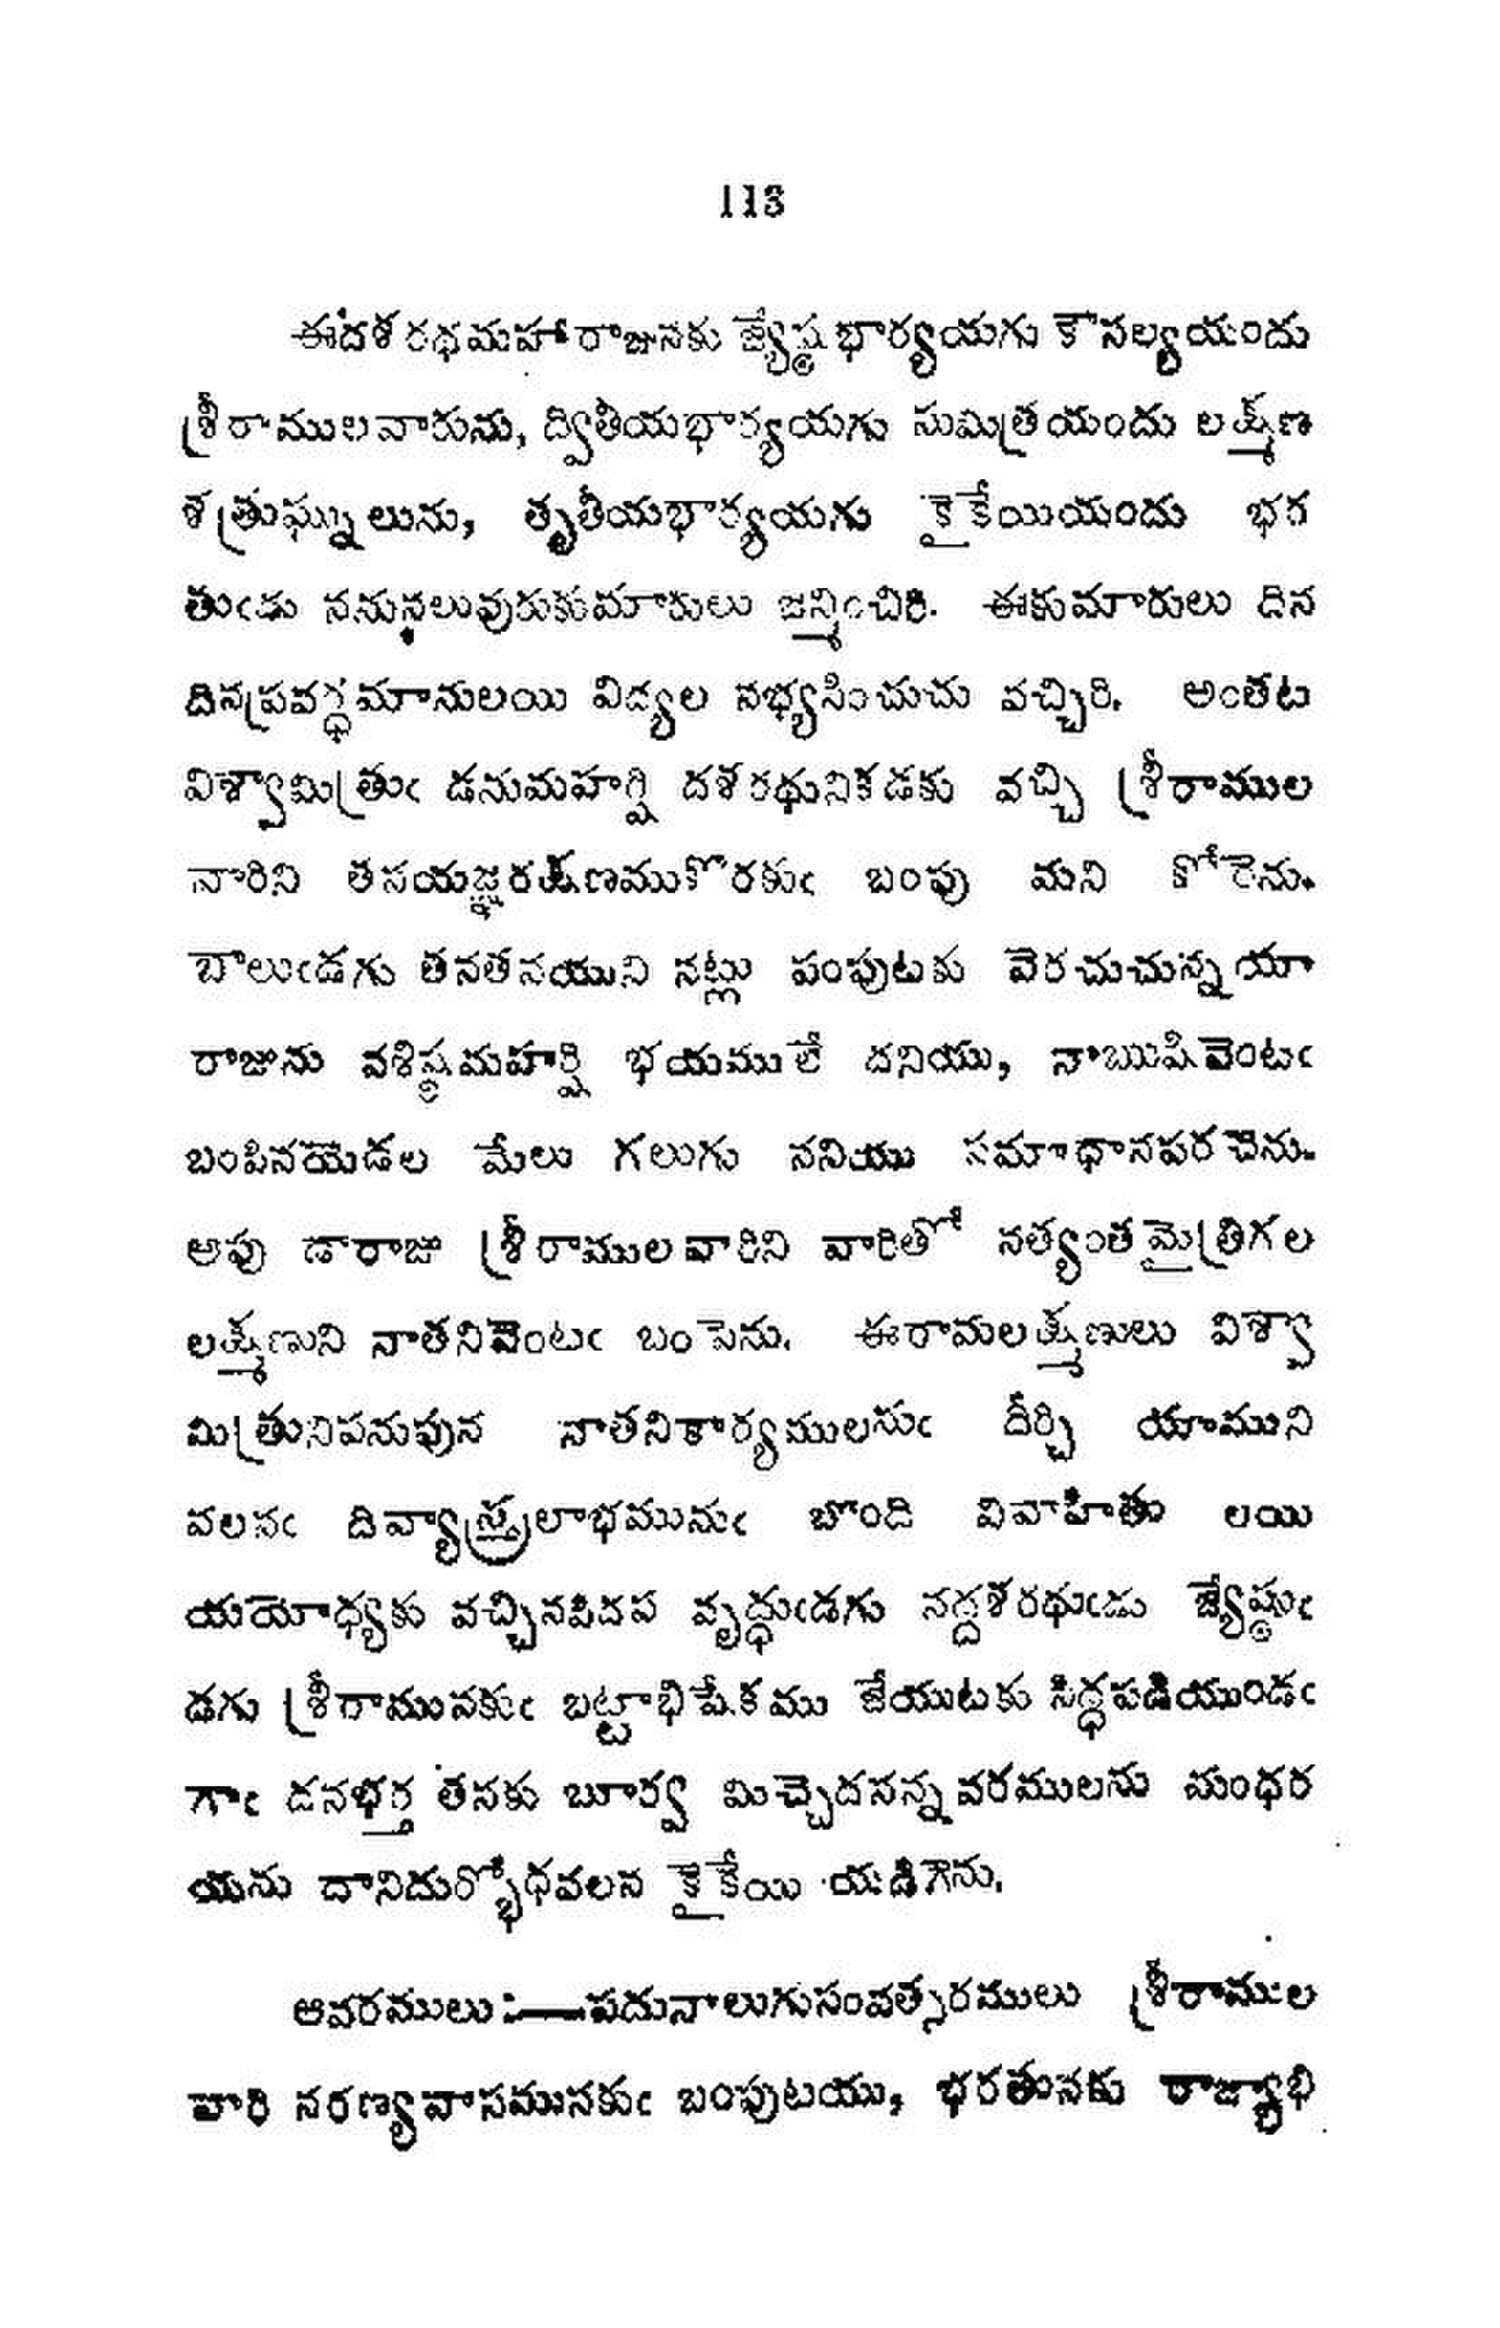ఈదశరథమహారాజునకు జ్యేష్ఠ భార్యయగు కౌసల్యయందు శ్రీరాములవారును, ద్వితీయభార్యయగు సుమిత్రయందు లక్ష్మణ శత్రుఘ్నులును, తృతీయభార్యయగు కైకేయియందు భరతుఁడు ననునలువురుకుమారులు జన్మించిరి. ఈకుమారులు దినదినప్రవర్ధమానులయి విద్యల నభ్యసించుచు వచ్చిరి. అంతట విశ్వామిత్రుఁ డనుమహర్షి దశరథునికడకు వచ్చి శ్రీరాములవారిని తనయజ్ఞరక్షణముకొరకుఁ బంపు మని కోరెను. బాలుఁడగు తనతనయుని నట్లు పంపుటకు వెరచుచున్నయా రాజును వశిష్ఠమహర్షి భయములే దనియు, నాఋషివెంటఁ బంపినయెడల మేలు గలుగు ననియు సమాధానపరచెను. అపు డారాజు శ్రీరాములవారిని వారితో నత్యంతమైత్రిగల
లక్ష్మణుని నాతనివెంటఁ బంపెను. ఈరామలక్ష్మణులు విశ్వామిత్రునిపనుపున నాతనికార్యములనుఁ దీర్చి యాముని వలనఁ దివ్యాస్త్రలాభమునుఁ బొంది వివాహితు లయి యయోధ్య కు వచ్చినపిదప వృద్ధుఁడగు నద్దశరథుఁడు జ్యేష్ఠుఁడగు శ్రీరామునకుఁ బట్టాభిషేకము జేయుటకు సిద్ధపడియుండఁ
గాఁ దనభర్త తనకు బూర్వ మిచ్చెదనన్న వరములను మంధరయను దానిదుర్భోధవలన కైకేయి యడిగెను.

ఆవరములు :--- పదునాలుగుసంవత్సరములు శ్రీరాములవారి నరణ్యవాసముసకుఁ బంపుటయు, భరతునకు రాజ్యాభి